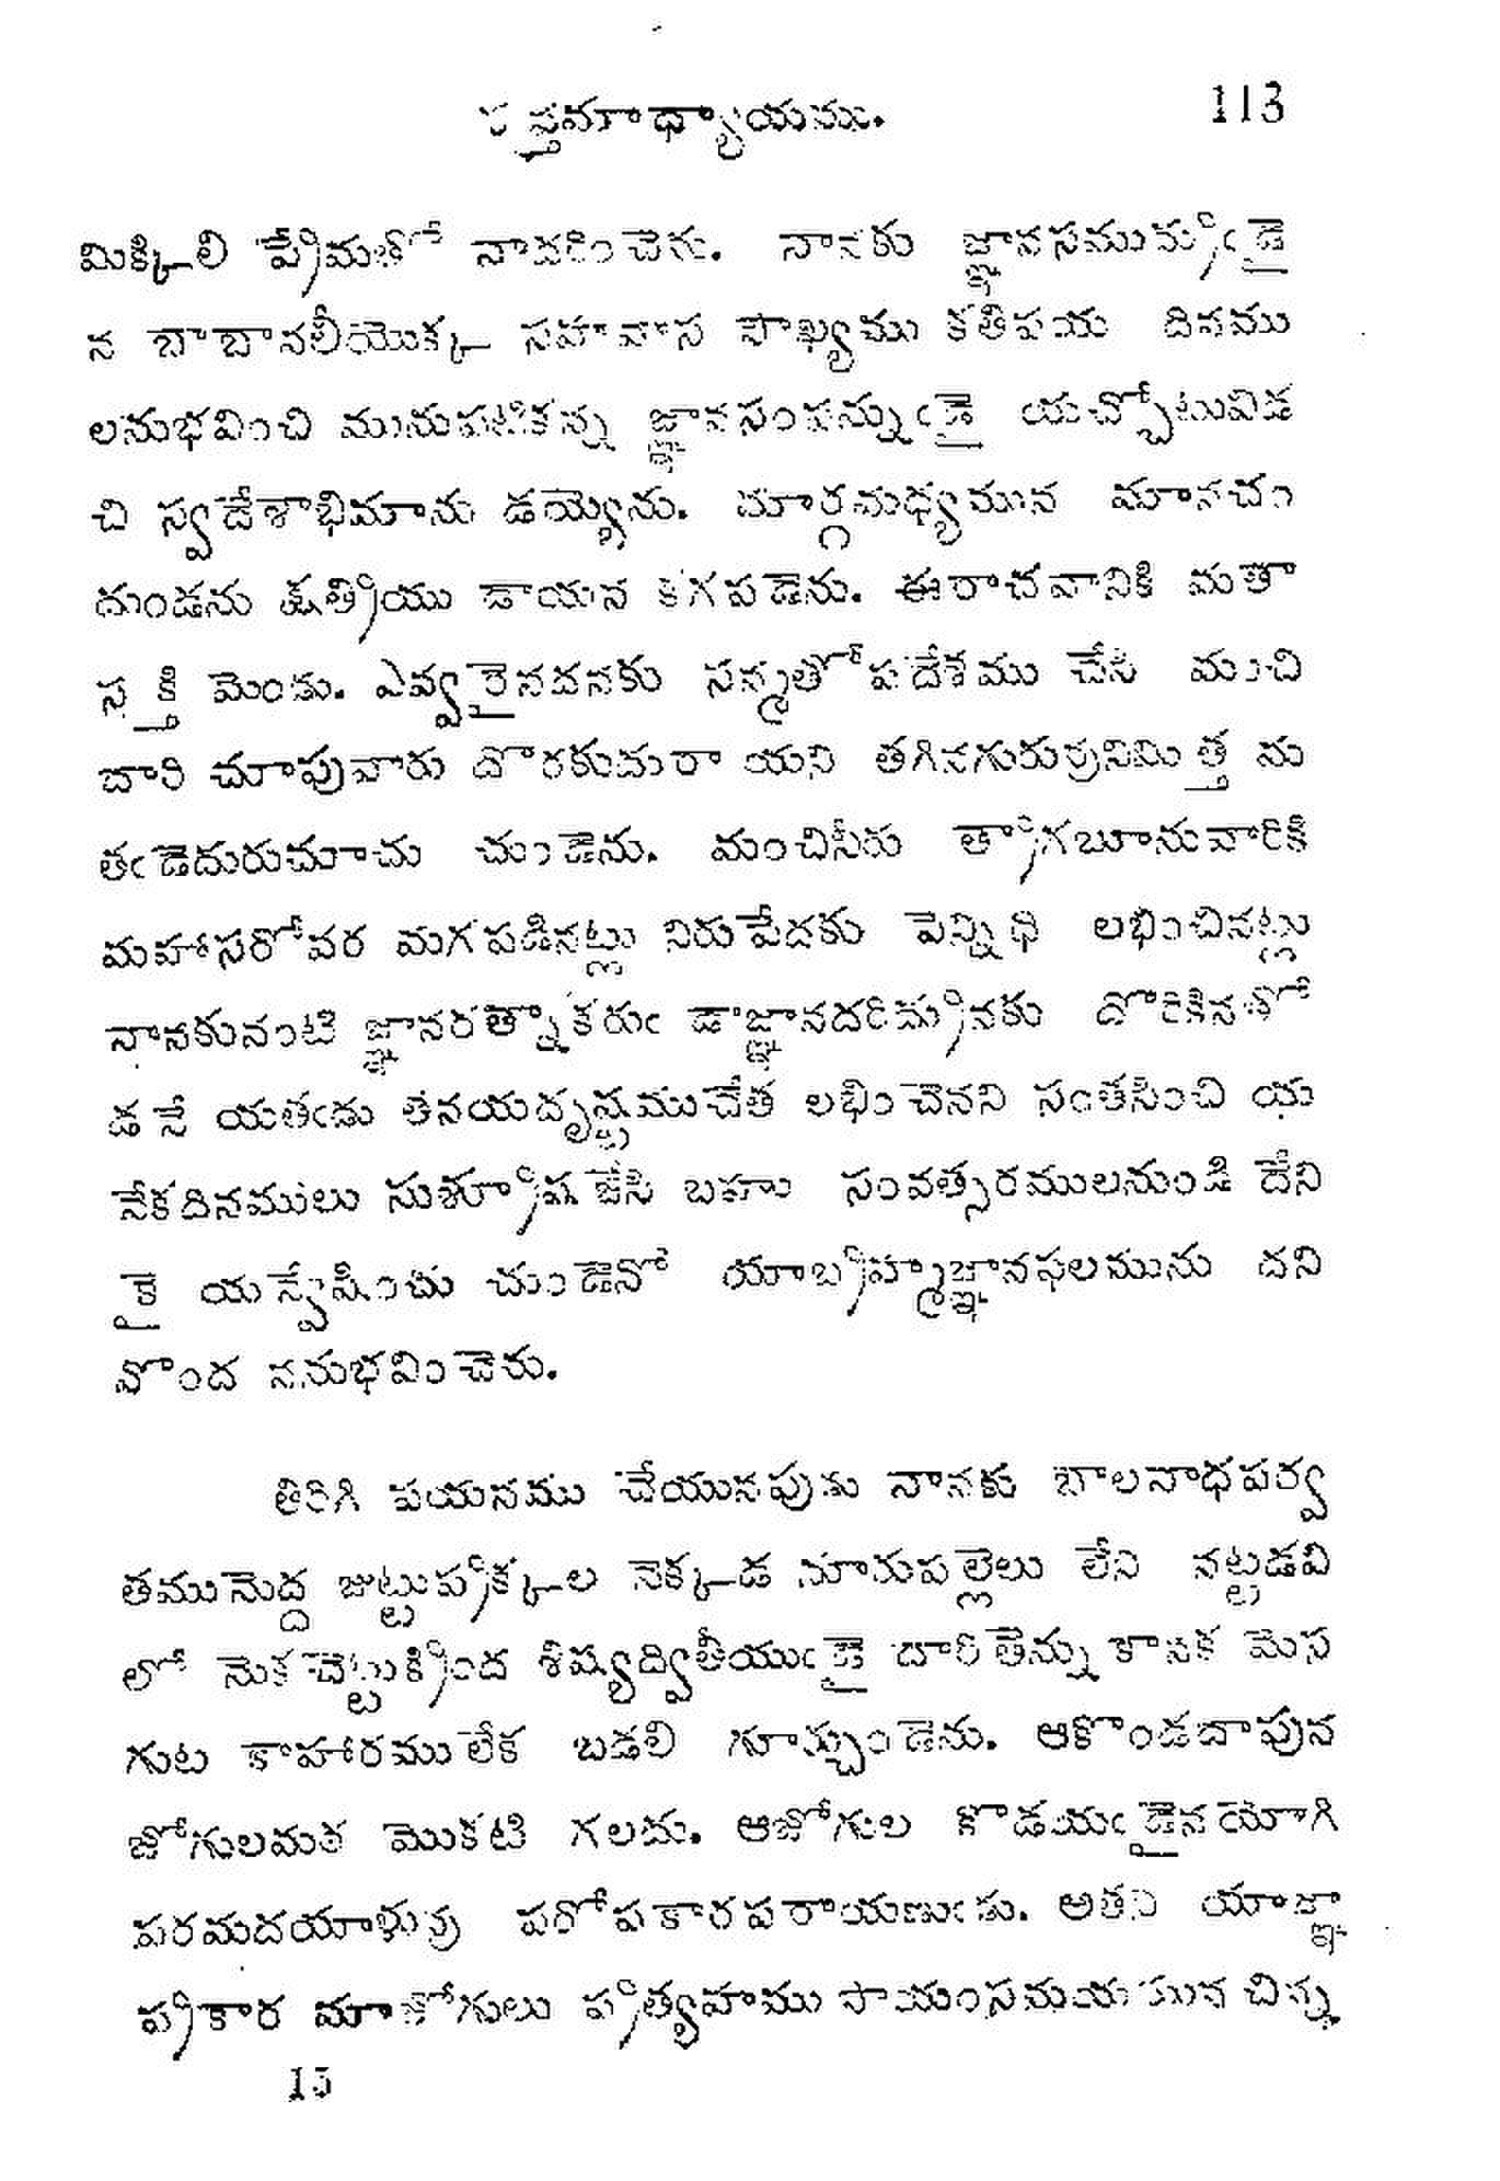మిక్కిలి ప్రేమతో నాదరించెను. నానకు జ్ఞానసముద్రుడైన బాబావలీయొక్క సహవాస సౌఖ్యము కతిపయ దినములనుభవించి మునుపటికన్న జ్ఞానసంపన్నుడై యచ్చోటువిడచి స్వదేశాభిమాను డయ్యెను. మార్గమధ్యమున మానచందుండను క్షత్రియు డాయన కగపడెను. ఈరాచవానికి మతాసక్తి మెండు. ఎవ్వరైనదనకు సన్మతోపదేశము చేసి మంచిదారి చూపువారు దొరకుదురాయని తగినగురువునిమిత్త మత డెదురుచూచు చుండెను. మంచినీరు త్రాగబూనువారికి మహాసరోవర మగపడినట్లు నిరుపేదకు పెన్నిధి లభించినట్లు నానకువంటి జ్ఞానరత్నాకరు డాజ్ఞానదరిద్రునకు దొరకినతోడనే యతడు తనయదృష్టముచేత లభించెనని సంతసించి యనేక దినములు సుశ్రూషజేసి బహు సంవత్సరములనుండి దేనికై యన్వేషించు చుండెనో యాబ్రహ్మజ్ఞానఫలమును దని నొంద ననుభవించెను.

తిరిగి పయనము చేయునపుడు నానకు బాలనాధపర్వతమునొద్ద జుట్టుప్రక్కల నెక్కడ నూరుపల్లెలు లేని నట్టడవిలో నొకచెట్టుక్రింద శిష్యద్వితీయుడై దారితెన్ను కానక మెసగుట కాహారములేక బడలి గూర్చుండెను. ఆకొండదాపున జోగులమఠ మొకటి గలదు. ఆజోగుల కొడయడైనయోగి పరమదయాళువు పరోపకారపరాయణుడు. అతని యాజ్ఞాప్రకార మాజోగులు ప్రత్యహము సాయంసమయమున చిన్న